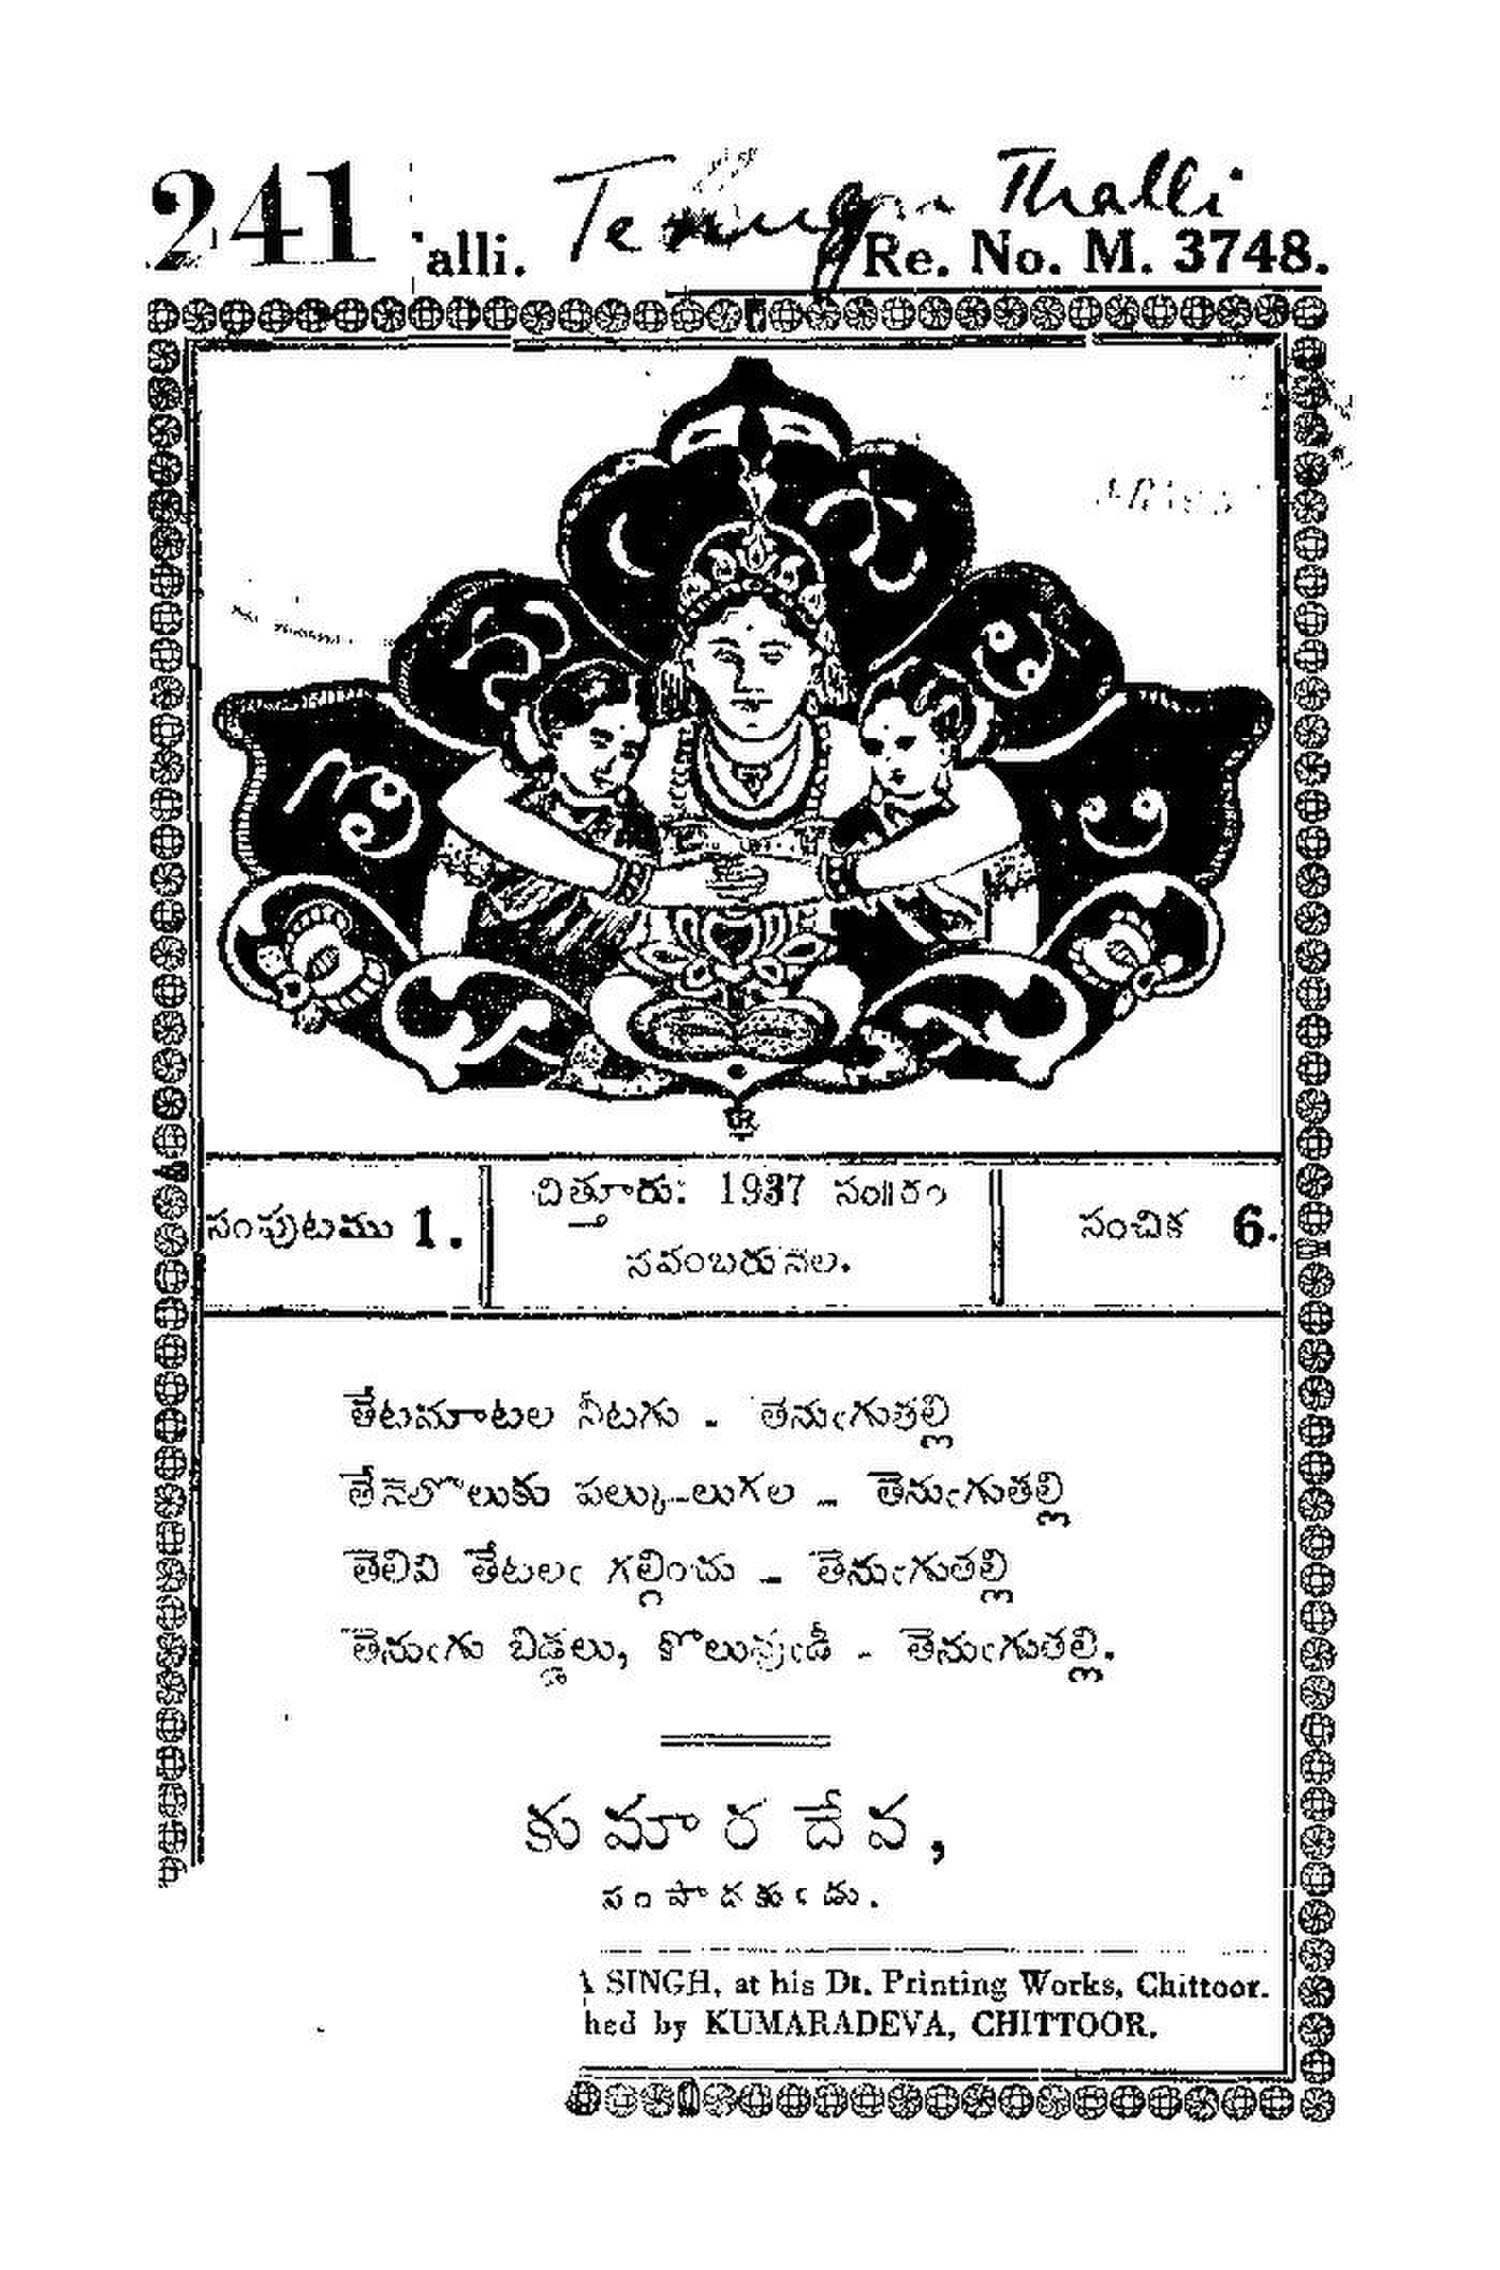సంపుటము 1. చిత్తూరు: 1937 సం॥రంనవంబరునెల.సంచిక 6.

తేటమాటల నీటగు _ తెనుఁగుతల్లి

తేనెలొలుకు పల్కులుగల _ తెనుఁగుతల్లి

తెలివి తేటలఁ గల్గించు _ తెనుఁగుతల్లి

తెనుఁగు బిడ్డలు, కొలువుఁడీ _ తెనుఁగుతల్లి.

కుమారదేవ,

సంపాదకుఁడు.

V SINGH, at his Dr.Printing works, Chittoor, hed by KUMARADEVA,CHITTOOR